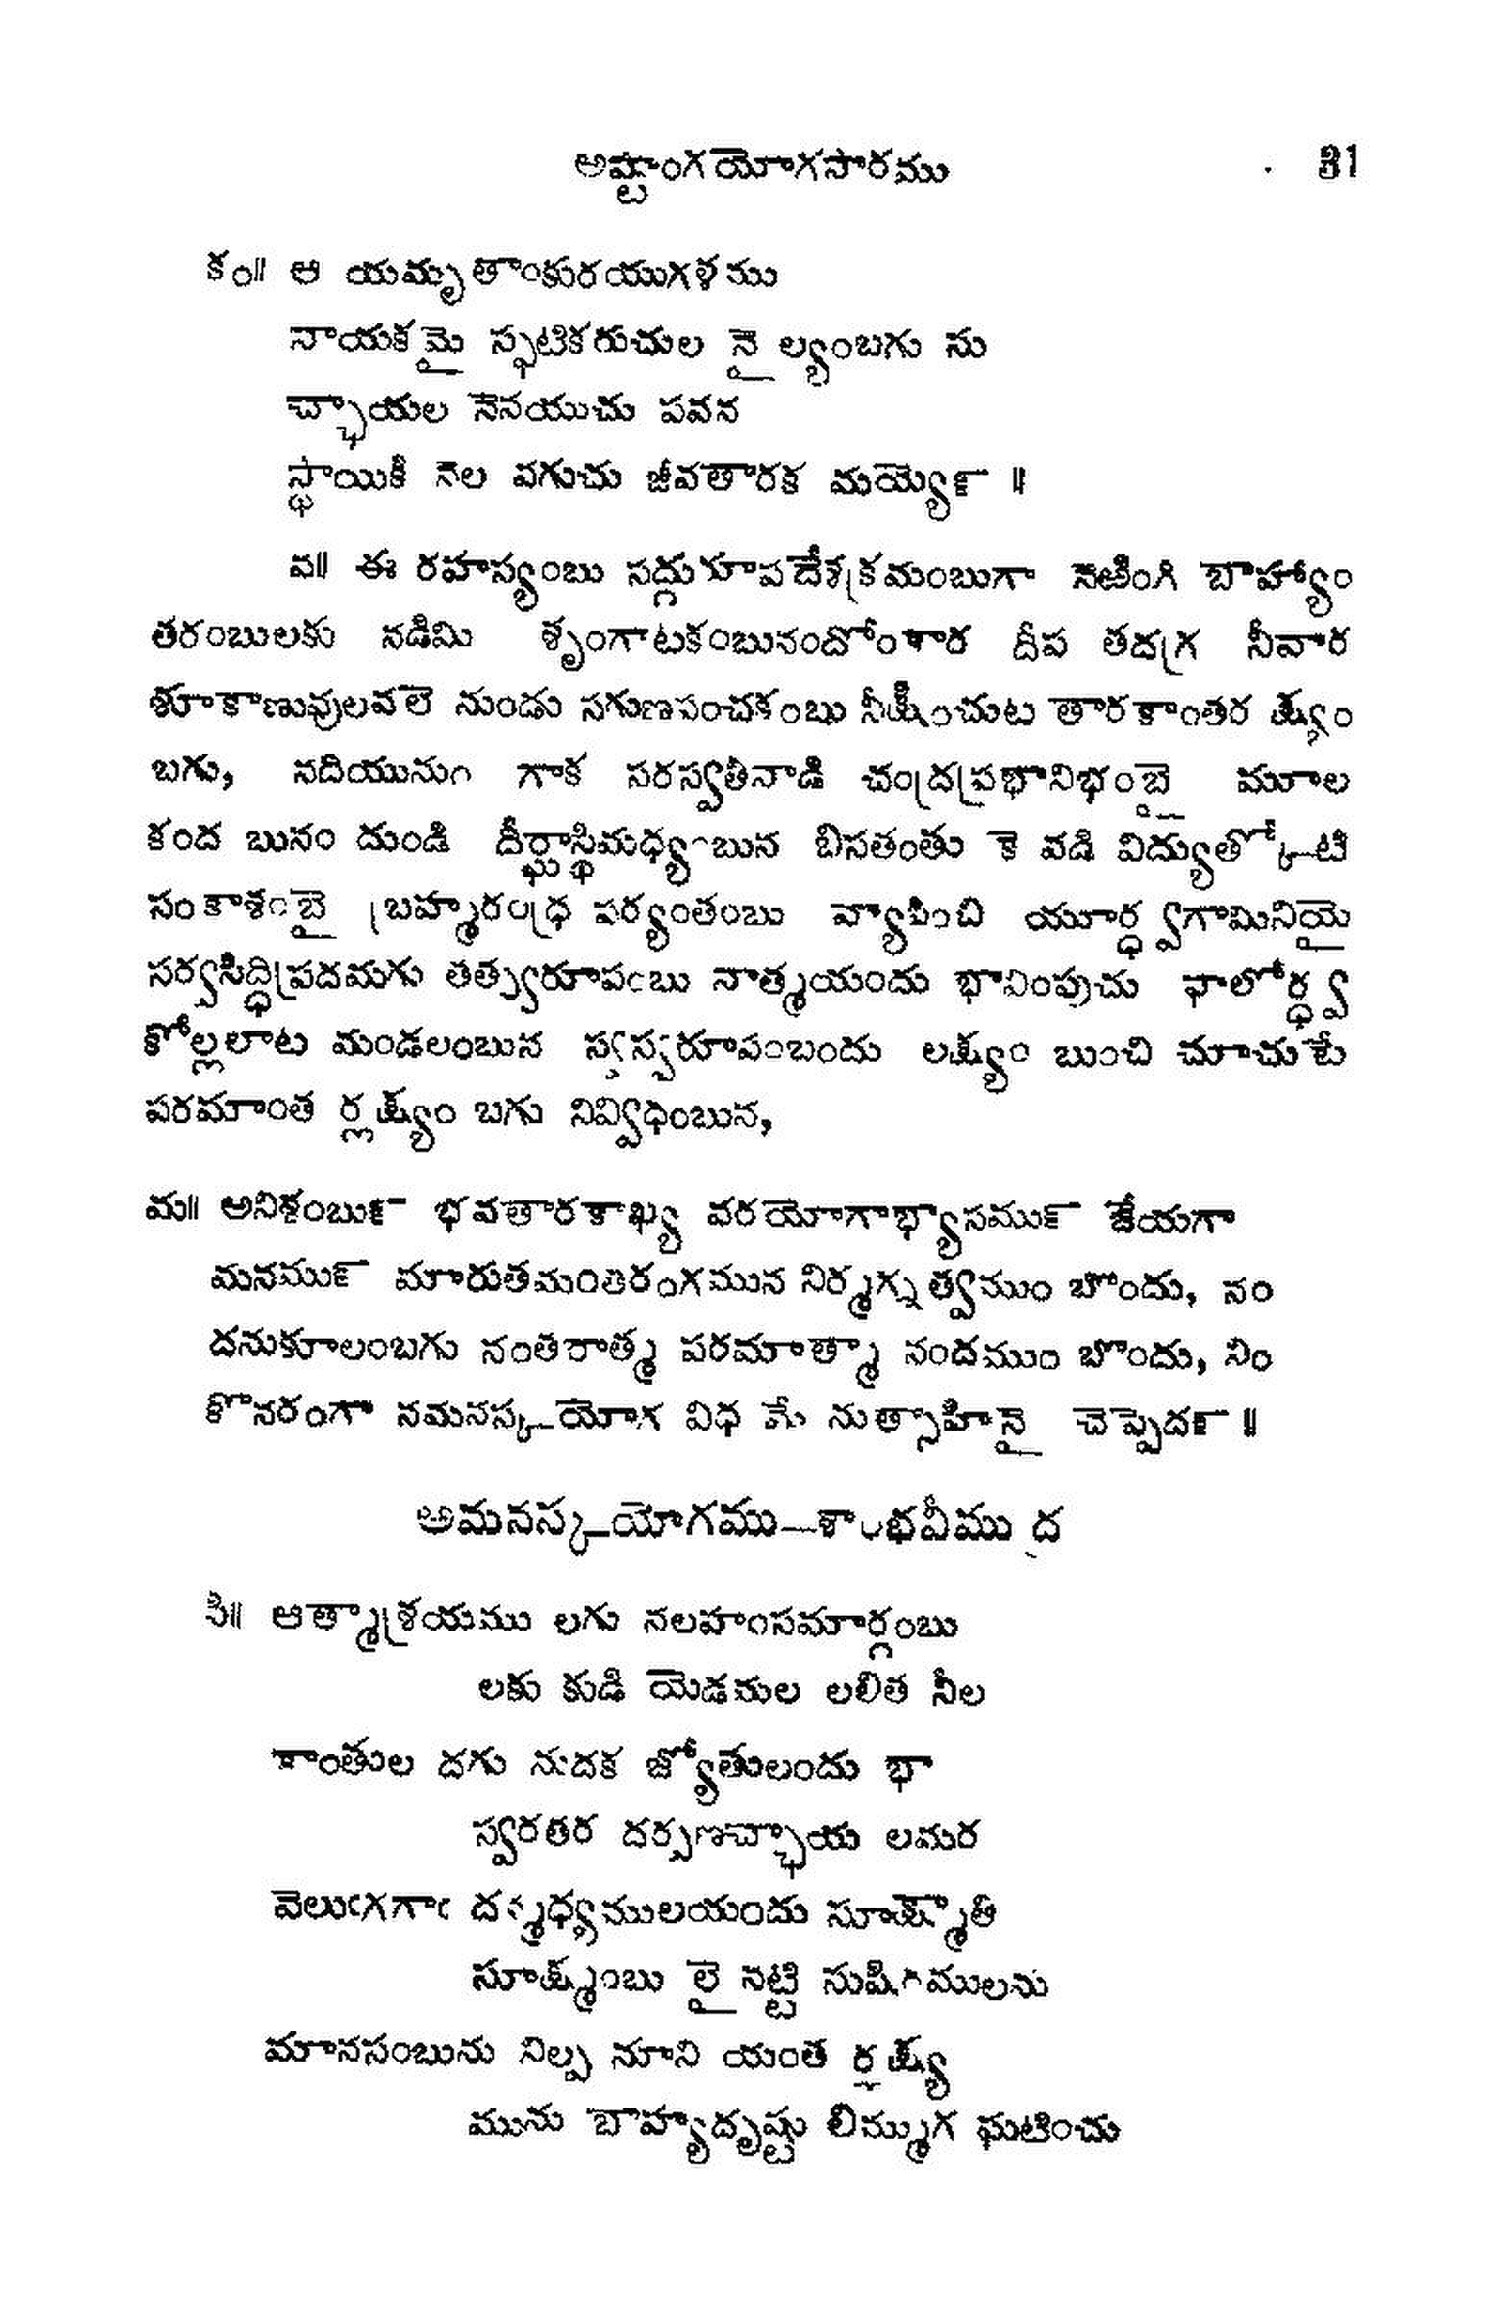క. ఆ యమృతాంకురయుగళము
 నాయకమై స్ఫటికరుచుల నైల్యంబగు సు
 చ్ఛాయల నెనయుచు పవన
 స్థాయికి నెల వగుచు జీవతారక మయ్యెన్.
వ. ఈ రహస్యంబు సద్గురూపదేశక్రమంబుగా నెఱింగి బాహ్యాంతరంబులకు నడిమి శృంగాటకంబునం దోంకారదీపతదగ్రనీవారశూకాణువులవలె నుండు సగుణపంచకంబు నీక్షించుట తారకాంతరలక్ష్యం బగు, నదియునుం గాక సరస్వతీనాడి చంద్రప్రభానిభంబై మూలకందంబునం దుండి దీర్ఘాస్థిమధ్యంబున బిసతంతుకైవడి విద్యుత్కోటిసంకాశంబై బ్రహ్మరంధ్రపర్యంతంబు వ్యాపించి యుర్ధ్వగామినియై సర్వసిద్ధిప్రదమగు తత్స్వరూపంబు నాత్మయందు భావింపుచు ఫాలోర్ధ్వకోల్లలాటమండలంబున స్వస్వరూపంబందు లక్ష్యం బుంచి చూచుటే
పరమాంతర్లక్ష్యం బగు నివ్విధంబున,
మ. అనిశంబున్ భవతారకాఖ్య వరయోగాభ్యాసమున్ జేయగా
 మనమున్ మారుత మంతరంగమున నిర్మగ్నత్వముం బొందు, నం
 దనుకూలంబగు నంతరాత్మ పరమాత్మానందముం బొందు, నిం
 కొనరంగా సమనస్కయోగవిధ మే నుత్సాహినై చెప్పెదన్.

సీ. ఆత్మాశ్రయము లగు నలహంసమార్గంబు
 లకు కుడియెడమల లలితనీల
 కాంతుల దగు నుదకజ్యోతులందు భా
 స్వరతరదర్పణచ్ఛాయ లమర
 వెలుఁగగాఁ దన్మధ్యములయందు సూక్ష్మాతి
 సూక్ష్మంబు లైనట్టి సుషిరములను
 మానసంబును నిల్ప నూని యంతర్లక్ష్య
 మును బాహ్యదృష్టు లిమ్ముగ ఘటించు